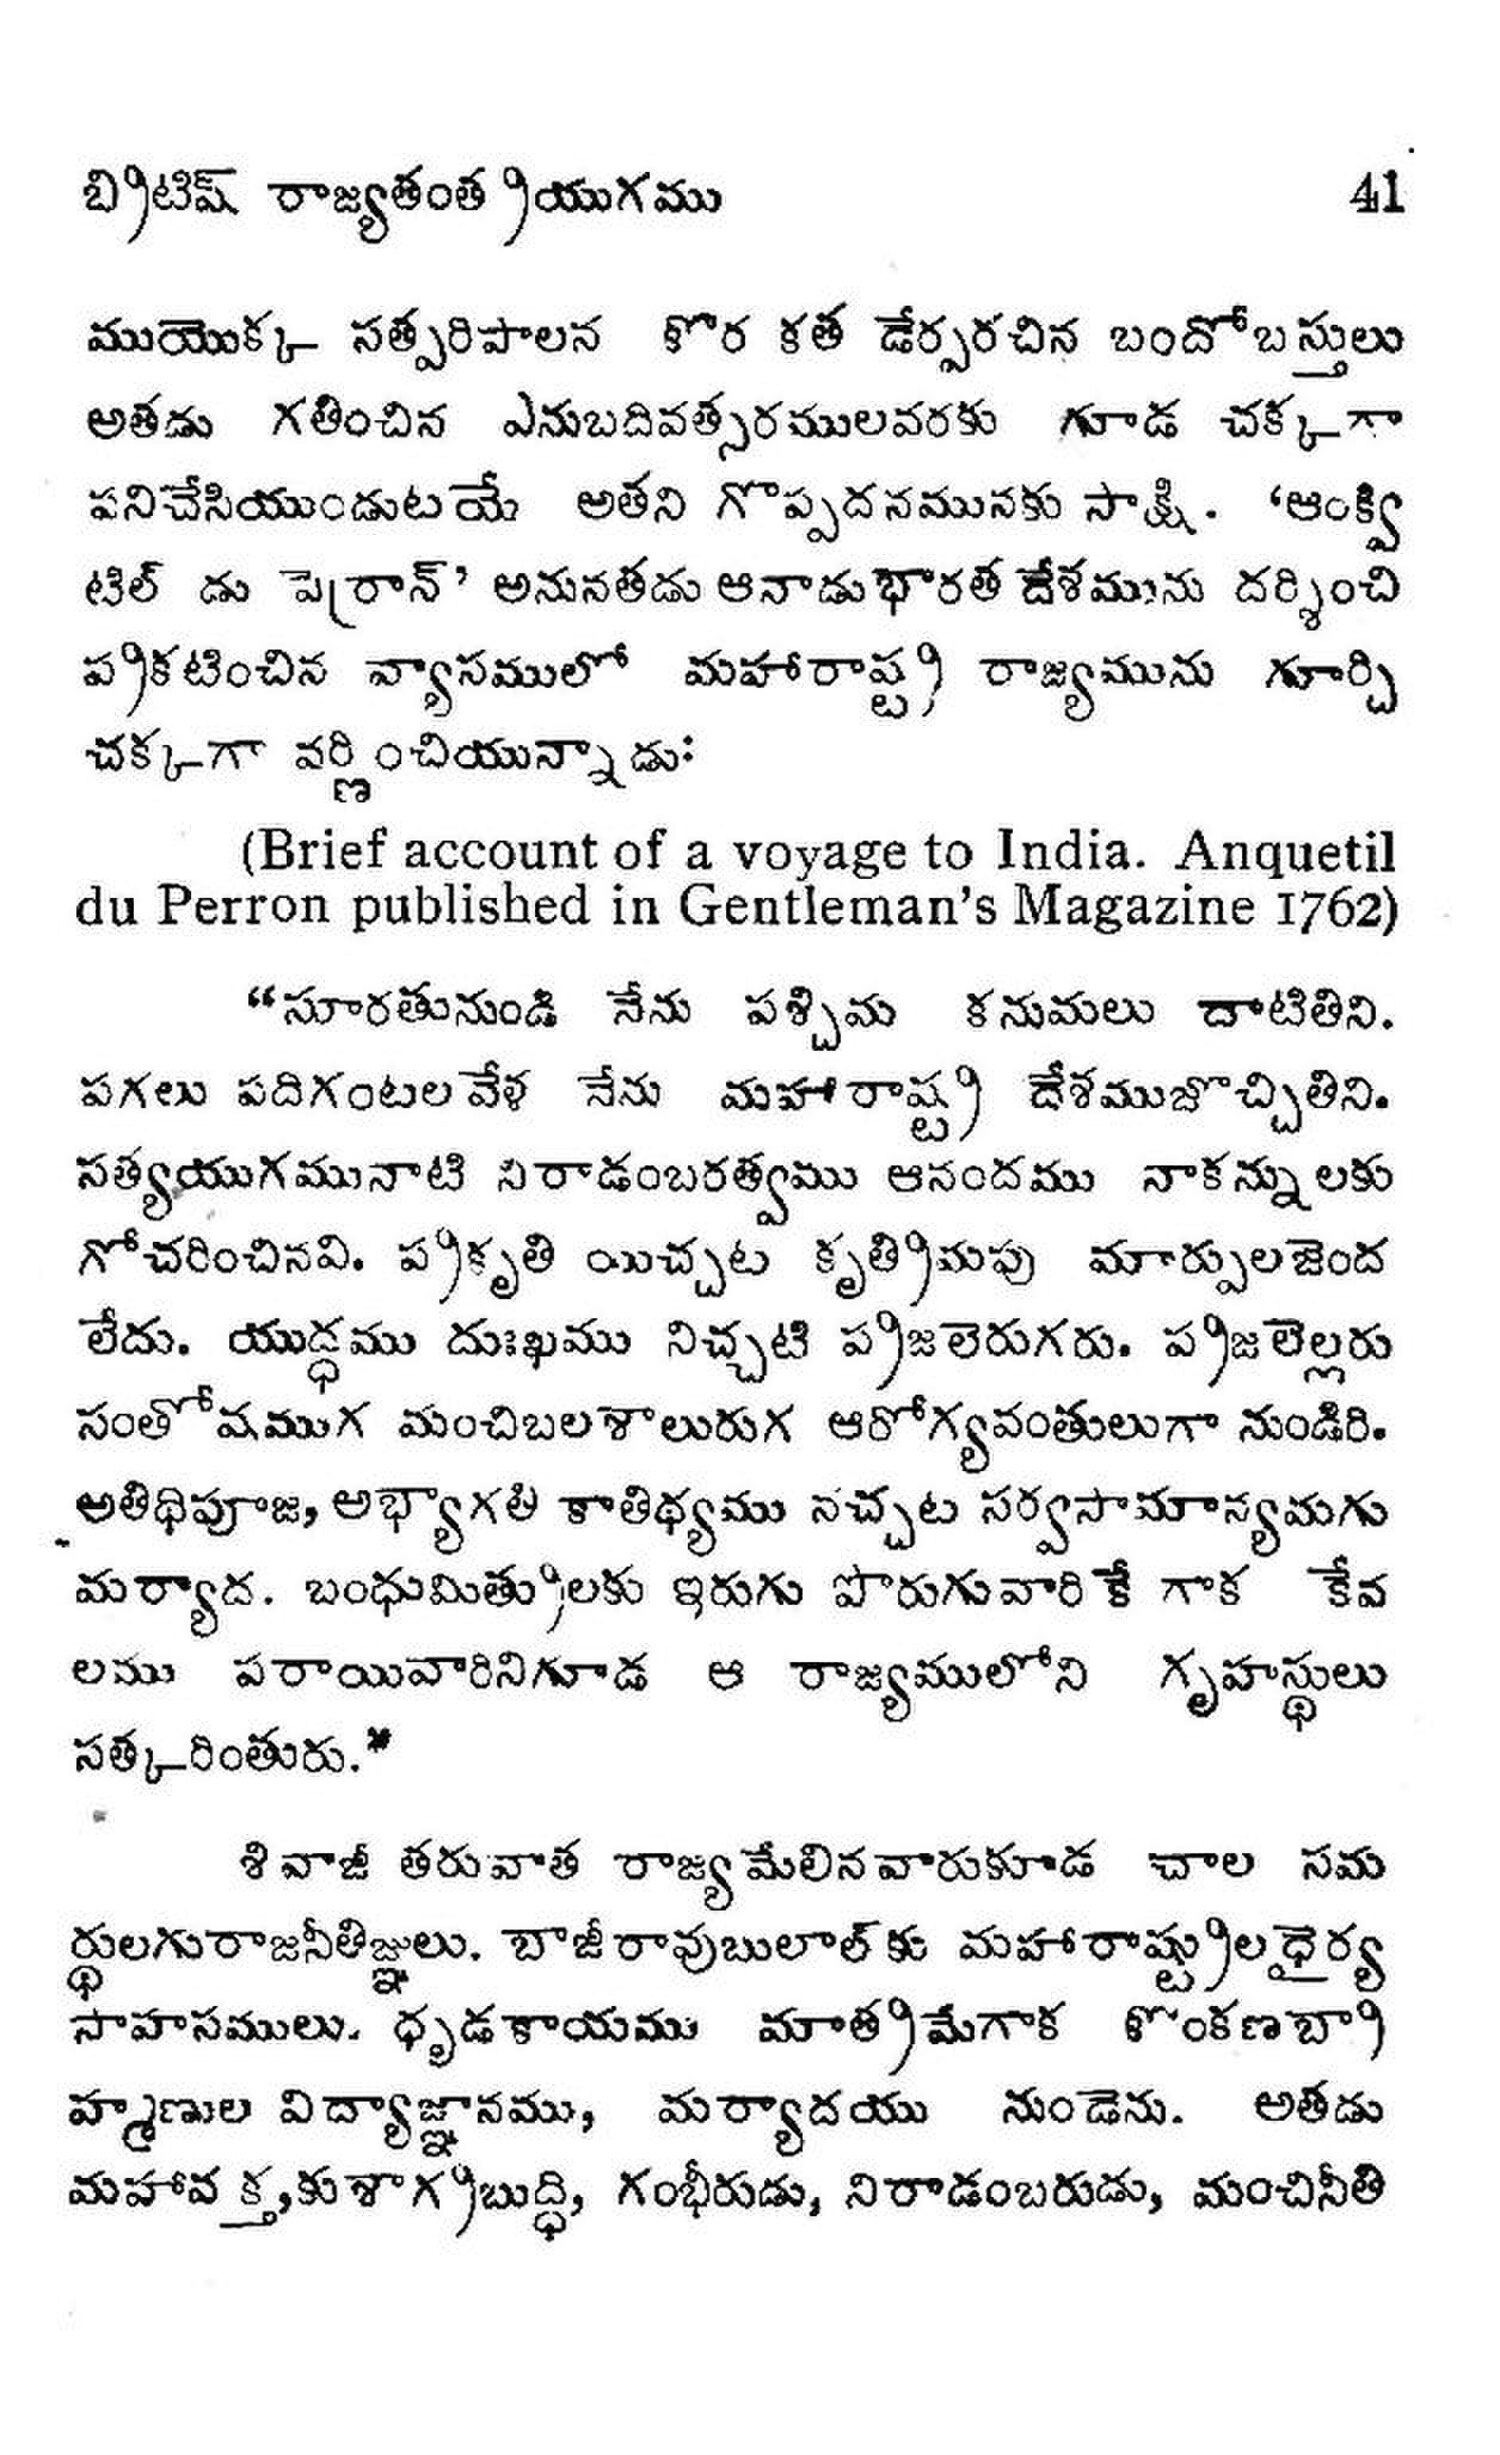ముయొక్క సత్పరిపాలన కొర కత డేర్పరచిన బందోబస్తులు అతడు గతించిన ఎనుబదివత్సరములవరకు గూడ చక్కగా పనిచేసియుండుటయే అతని గొప్పదనమునకు సాక్షి . 'ఆంక్విటిల్ డు పెర్రాన్' అనునతడు ఆనాడు భారత దేశమును దర్శించి ప్రకటించిన వ్యాసములో మహారాష్ట్ర రాజ్యమును గూర్చి చక్కగా వర్ణించియున్నాడు:

(Brief account of a voyage to India. Anquetil du Perron published in Gentleman's Magazine 1762).

"సూరతునుండి నేను పశ్చిమ కనుమలు దాటితిని. పగలు పదిగంటలవేళ నేను మహారాష్ట్ర దేశముజొచ్చితిని.
సత్యయుగమునాటి నిరాడంబరత్వము ఆనందము నాకన్నులకు గోచరించినవి. ప్రకృతి యిచ్చట కృత్రిమపు మార్పులజెంద లేదు. యుద్ధము దుఃఖము నిచ్చటి ప్రజలెరుగరు. ప్రజలెల్లరు సంతోషముగ మంచిబలశాలురుగ ఆరోగ్యవంతులుగా నుండిరి. అతిథిపూజ, అభ్యాగతి కాతిథ్యము నచ్చట సర్వసామాన్యమగు మర్యాద. బంధుమిత్రులకు ఇరుగు పొరుగువారికే గాక కేవలము పరాయివారినిగూడ ఆ రాజ్యములోని గృహస్థులు సత్కరింతురు."

శివాజీ తరువాత రాజ్యమేలినవారుకూడ చాల సమర్థులగురాజనీతిజ్ఞులు. బాజీరావుబులాల్‌కు మహారాష్ట్రులధైర్య సాహసములు. ధృడకాయము మాత్రమేగాక కొంకణ బ్రాహ్మణుల విద్యాజ్ఞానము, మర్యాదయు నుండెను. అతడు మహావక్త,కుశాగ్రబుద్ధి, గంభీరుడు, నిరాడంబరుడు, మంచినీతి